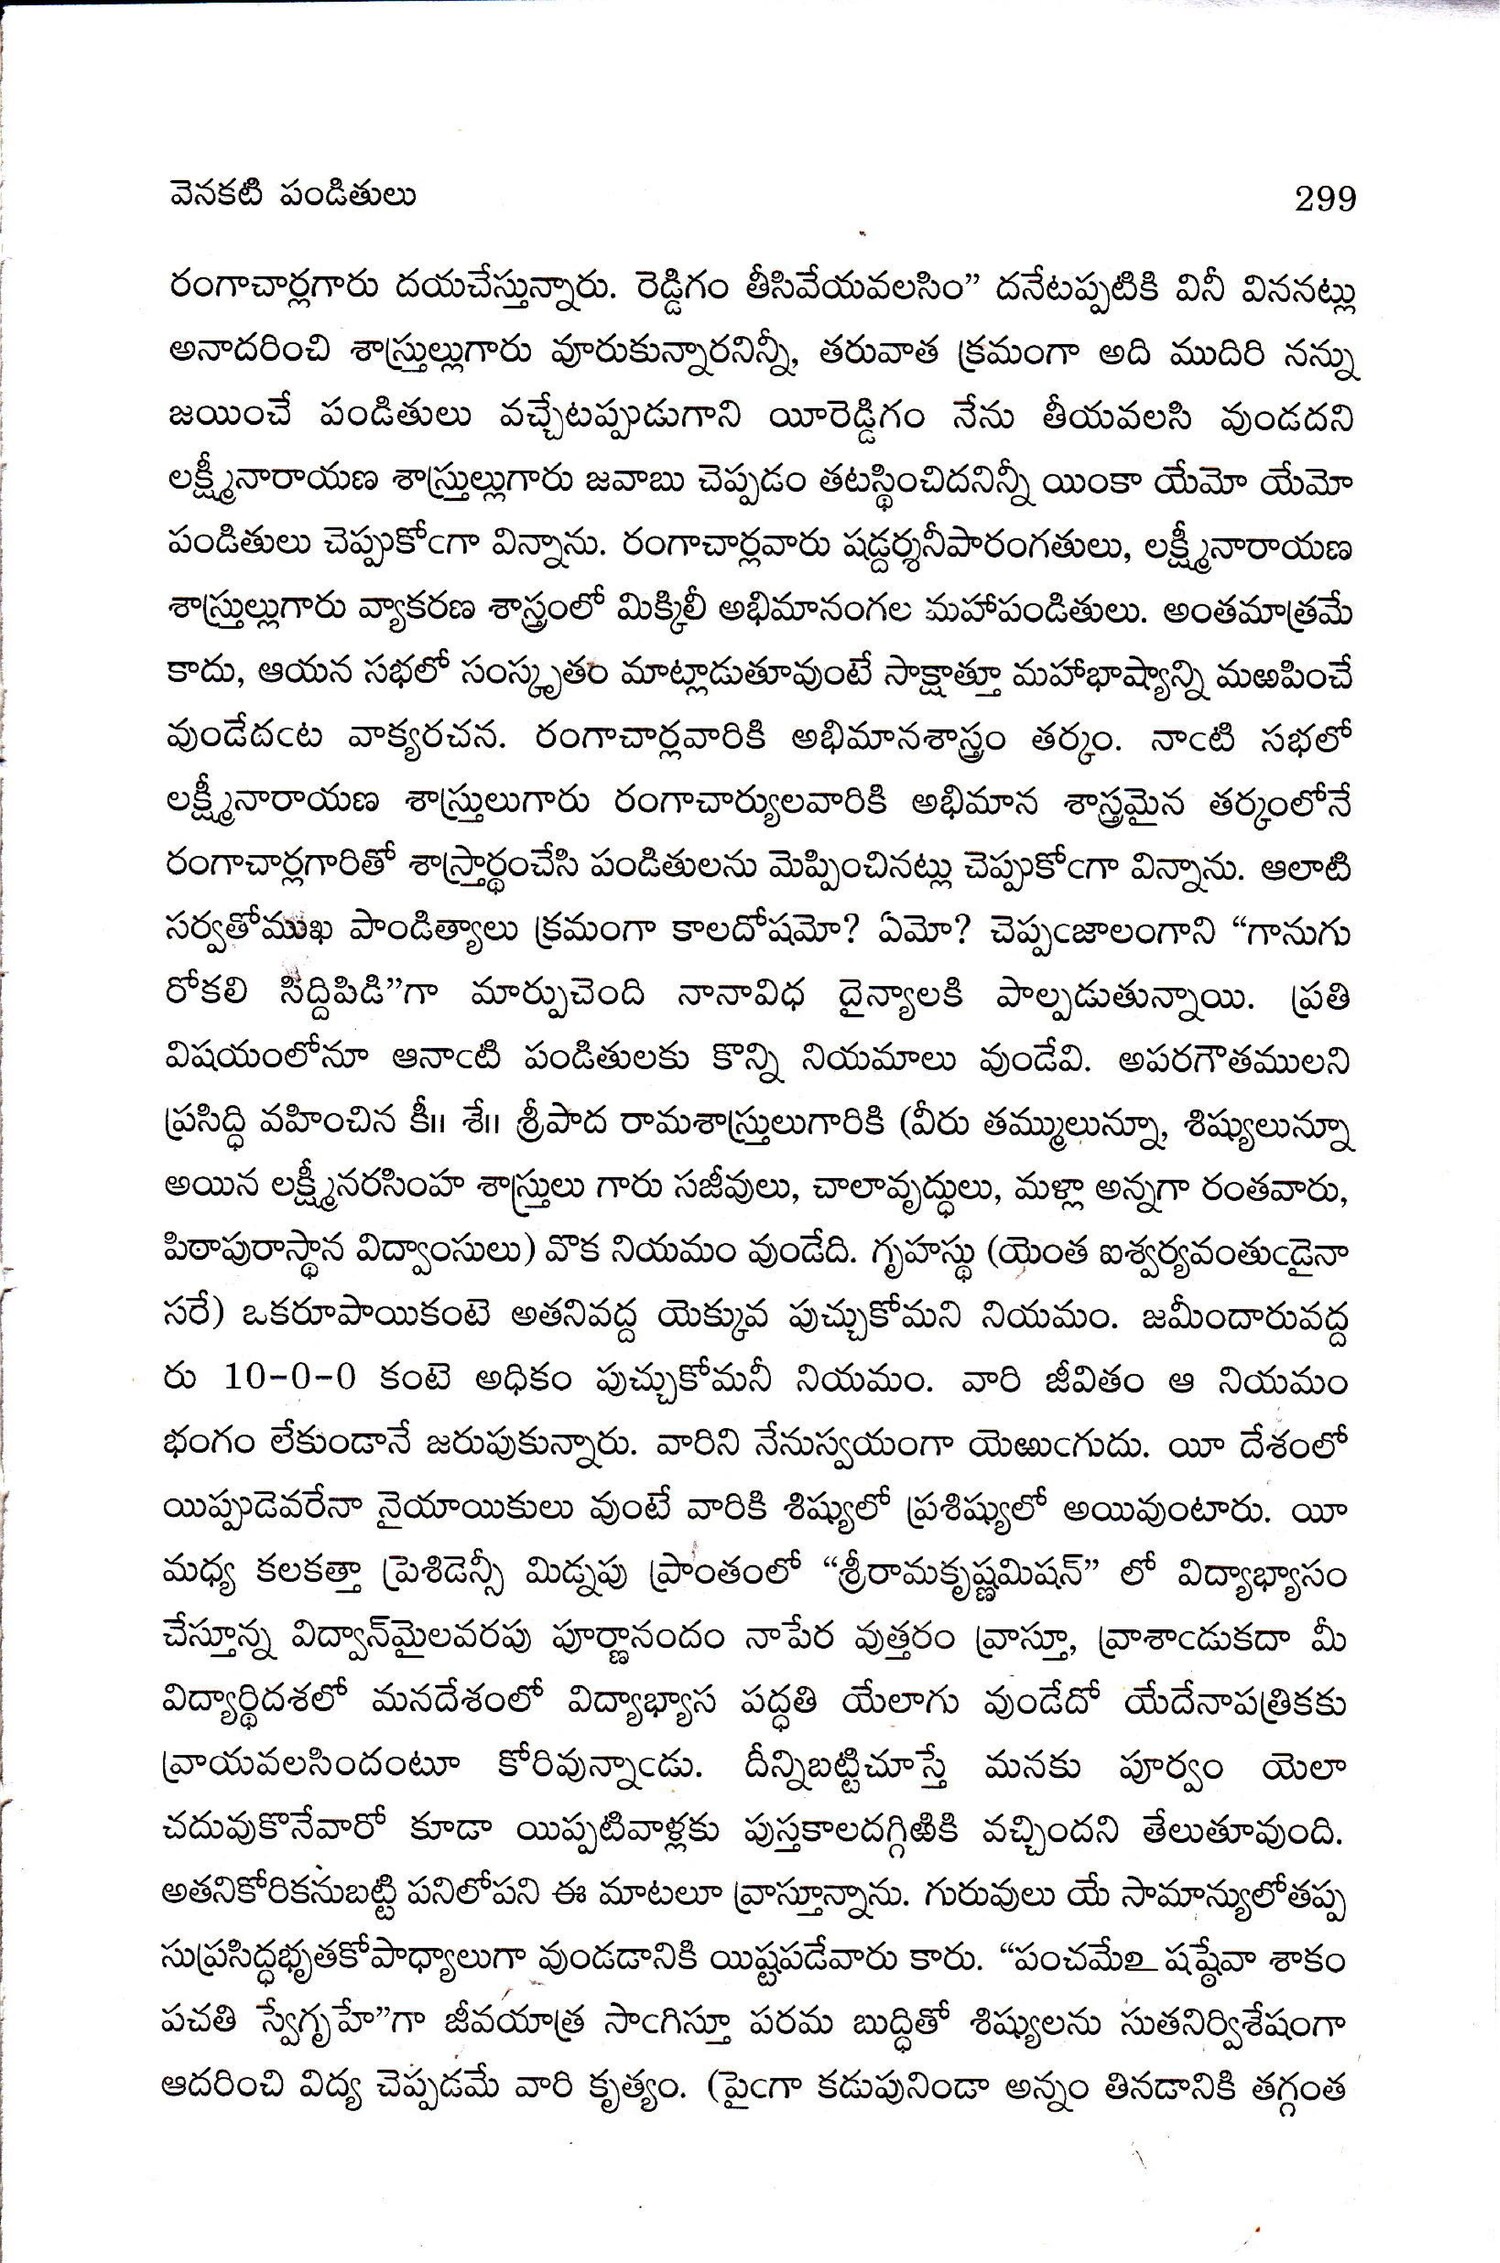రంగాచార్లగారు దయచేస్తున్నారు. రెడ్డిగం తీసివేయవలసిం” దనేటప్పటికి వినీ విననట్లు అనాదరించి శాస్త్రుల్లుగారు వూరుకున్నారనిన్నీ తరువాత క్రమంగా అది ముదిరి నన్ను జయించే పండితులు వచ్చేటప్పుడుగాని యీరెడ్డిగం నేను తీయవలసి వుండదని లక్ష్మీనారాయణ శాస్త్రుల్లుగారు జవాబు చెప్పడం తటస్థించిదనిన్నీ యింకా యేమో యేమో పండితులు చెప్పుకోఁగా విన్నాను. రంగాచార్లవారు షడ్దర్శనీపారంగతులు, లక్ష్మీనారాయణ శాస్త్రుల్లుగారు వ్యాకరణ శాస్త్రంలో మిక్కిలీ అభిమానంగల మహాపండితులు. అంతమాత్రమే కాదు, ఆయన సభలో సంస్కృతం మాట్లాడుతూవుంటే సాక్షాత్తూ మహాభాష్యాన్ని మఱపించే వుండేదఁట వాక్యరచన. రంగాచార్లవారికి అభిమానశాస్త్రం తర్కం. నాఁటి సభలో లక్ష్మీనారాయణ శాస్త్రులుగారు రంగాచార్యులవారికి అభిమాన శాస్త్రమైన తర్కంలోనే రంగాచార్లగారితో శాస్త్రార్ధంచేసి పండితులను మెప్పించినట్లు చెప్పకోఁగా విన్నాను. ఆలాటి సర్వతోముఖ పాండిత్యాలు క్రమంగా కాలదోషమో? ఏమో? చెప్పఁజాలంగాని “గానుగు రోకలి సిద్దిపిడి"గా మార్పుచెంది నానావిధ దైన్యాలకి పాల్పడుతున్నాయి. ప్రతి విషయంలోనూ ఆనాఁటి పండితులకు కొన్ని నియమాలు వుండేవి. అపరగౌతములని ప్రసిద్ధి వహించిన కీ శే శ్రీపాద రామశాస్త్రులుగారికి (వీరు తమ్ములున్నూ శిష్యులున్నూ అయిన లక్ష్మీనరసింహ శాస్త్రులు గారు సజీవులు, చాలావృద్దులు, మళ్లా అన్నగారంతవారు, పిఠాపురాస్థాన విద్వాంసులు) వొక నియమం వుండేది. గృహస్థు (యెంత ఐశ్వర్యవంతుఁడైనా సరే) ఒకరూపాయికంటె అతనివద్ద యెక్కువ పుచ్చుకోమని నియమం. జమీందారువద్ద రు 10-0-0 కంటె అధికం పుచ్చుకోమనీ నియమం. వారి జీవితం ఆ నియమం భంగం లేకుండానే జరుపుకున్నారు. వారిని నేనుస్వయంగా యెఱుఁగుదు. యీ దేశంలో యిప్పుడెవరేనా నైయాయికులు వుంటే వారికి శిష్యులో ప్రశిష్యులో అయివుంటారు. యీ మధ్య కలకత్తా ప్రెశిడెన్సీ మిడ్నపు ప్రాంతంలో “శ్రీరామకృష్ణమిషన్" లో విద్యాభ్యాసం చేస్తూన్న విద్వాన్‌మైలవరపు పూర్ణానందం నాపేర వుత్తరం వ్రాస్తూ, వ్రాశాఁడుకదా మీ విద్యార్థిదశలో మనదేశంలో విద్యాభ్యాస పద్ధతి యేలాగు వుండేదో యేదేనాపత్రికకు వ్రాయవలసిందంటూ కోరివున్నాఁడు. దీన్నిబట్టిచూస్తే మనకు పూర్వం యెలా చదువుకొనేవారో కూడా యిప్పటివాళ్లకు పుస్తకాలదగ్గిఱికి వచ్చిందని తేలుతూవుంది. అతనికోరికనుబట్టి పనిలోపని ఈ మాటలూ వ్రాస్తూన్నాను. గురువులు యే సామాన్యులోతప్ప సుప్రసిద్ధభృతకోపాధ్యాలుగా వుండడానికి యిష్టపడేవారు కారు. "పంచమే౽షష్ఠేవా శాకం పచతి స్వేగృహే"గా జీవయాత్ర సాఁగిస్తూ పరమ బుద్ధితో శిష్యులను సుతనిర్విశేషంగా ఆదరించి విద్య చెప్పడమే వారి కృత్యం. (పైCగా కడుపునిండా అన్నం తినడానికి తగ్గంత